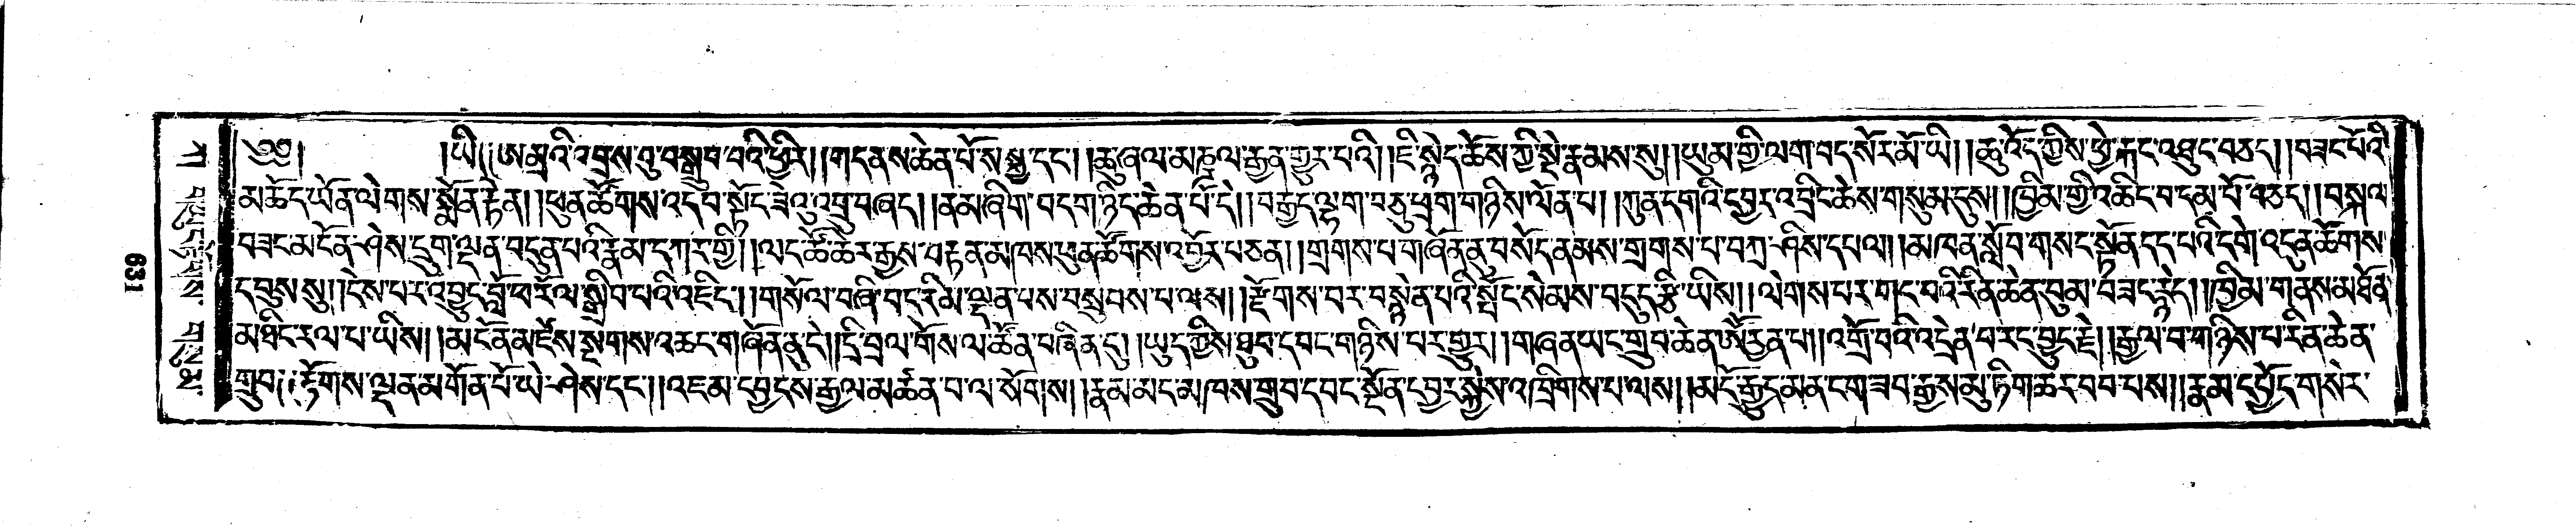༄༅། །ཡི། །ཨ་མྲའི་འབྲས་བུ་བསྒྲུབ་པའི་ཕྱིར། །གདན་ས་ཆེན་པོ་ས་སྐྱ་དང་། །ཆུ་ཞལ་མཎྜལ་རྒྱན་གྱུར་པའི། །ཇི་སྙེད་ཆོས་ཀྱི་སྡེ་རྣམས་སུ། །ཡུམ་གྱི་ལག་པད་སོར་མོ་ཡི། །ཆུ་འོད་ཀྱིས་ཕྱེ་རྐང་འཐུང་བཅུད། །བཟང་པོའི་
མཆོད་ཡོན་ལེགས་སྨོན་རྟེན། །ཕུན་ཚོགས་འདབ་སྟོང་ཟེའུ་འབྲུ་བཞད། །ནམ་ཞིག་བདག་ཉིད་ཆེན་པོ་དེ། །བརྒྱད་ལྷག་བཅུ་ཕྲག་གཉིས་ལོན་པ། །ཀུན་དགའི་དབྱར་འབྲིང་ཆེས་གསུམ་དུས། །ཁྱིམ་གྱི་འཆིང་བ་དམ་པོ་བཅང་། །བསྐལ་
བཟང་མངོན་ཤེས་དྲུག་ལྡན་བདུན་པའི་རྣམ་དཀར་གྱི། །ལང་ཚོ་ཆེར་རྒྱས་བརྟན་མཁས་ཕུན་ཚོགས་འབྱོར་པ་ཅན། །གྲགས་པ་གཞོན་ནུ་བསོད་ནམས་གྲགས་པ་བཀྲ་ཤིས་དཔལ། །མཁན་སློབ་གསང་སྟོན་དད་པའི་དགེ་འདུན་ཚོགས་
དབུས་སུ། །ངེས་པར་འབྱུང་བློ་ཕ་རོལ་སྒྲིབ་པའི་འཇིང་། །གསོལ་བཞི་བང་རིམ་ལྡན་པས་བསྲུབས་པ་ལས། །རྫོགས་པར་བསྙེན་པའི་སྤོང་སེམས་བདུད་རྩི་ཡིས། །ལེགས་པར་གང་བའི་རིན་ཆེན་བུམ་བཟང་རྙེད། །ཁྱིམ་གནས་མཐོན་
མཐིང་རལ་པ་ཡིས། །མངོན་མཛེས་སྔགས་འཆང་གཞོན་ནུ་དེ། །དྲི་བྲལ་གོས་ལ་ཚོན་བཞིན་དུ། །ཡུད་ཀྱིས་ཐུབ་དབང་གཉིས་པར་གྱུར། །གཞན་ཡང་གྲུབ་ཆེན་ཨཽརྱན་པ། །འགྲོ་བའི་འདྲེན་པ་རང་བྱུང་རྗེ། །རྒྱལ་བ་གཉིས་པ་རིན་ཆེན་
གྲུབ། །རྟོགས་ལྡན་མགོན་པོ་ཡེ་ཤེས་དང་། །འཇམ་དབྱངས་རྒྱལ་མཚན་པ་ལ་སོགས། །རྣམ་མང་མཁས་གྲུབ་དབང་སྔོན་དབྱར་སྐྱེས་འཁྲིགས་པ་ལས། །མདོ་རྒྱུད་མན་ངག་ཟབ་རྒྱས་མུ་ཏིག་ཆར་བབ་པས། །རྣམ་དཔྱོད་གསེར་